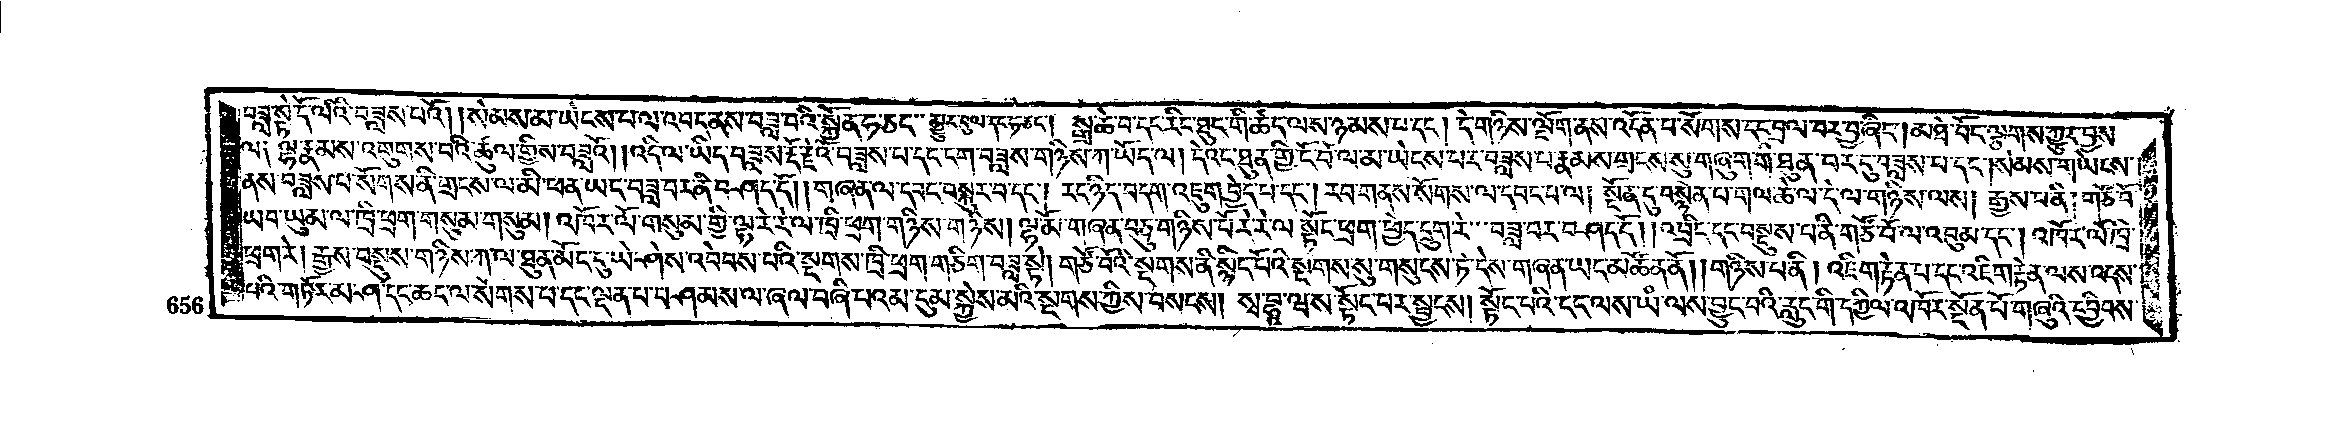བཟླ་སྟེ་དོ་ལིའི་བཟླས་པའོ། །སེམས་མ་ཡེངས་པ་ལ་འབད་ནས་བཟླ་བའི་སྐྱོན་ཧ་ཅང་མྱུར་བུལ་དང་ཧ་ཅང། སྒྲ་ཆེ་བ་དང་རིང་ཐུང་གི་ཚད་ལས་ཉམས་པ་དང་། དེ་གཉིས་ལྡོག་ནས་འདོན་པ་སོགས་དང་བྲལ་བར་བྱ་ཞིང་། མཐེ་བོང་ལྕགས་ཀྱུར་བྱས་
ལ། ལྷ་རྣམས་འགུགས་པའི་ཚུལ་གྱིས་བཟླའོ། །འདི་ལ་ཡིད་བཟླས་རྡོ་རྗེའི་བཟླས་པ་དང་ངག་བཟླས་གཉིས་ཀ་ཡོད་ལ། དེའང་ཐུན་གྱི་ངོ་བོ་ལ་མ་ཡེངས་པར་བཟླས་པ་རྣམས་གྲངས་སུ་གཞུག་གི་ཐུན་བར་དུ་བཟླས་པ་དང་། སེམས་གཡེངས་
ནས་བཟླས་པ་སོགས་ནི་གྲངས་ལ་མི་ཕན་ཡང་བཟླ་བར་ནི་བཤད་དོ། །གཞན་ལ་དབང་བསྐུར་བ་དང་། རང་ཉིད་བདག་འཇུག་བྱེད་པ་དང་། རབ་གནས་སོགས་ལ་དབང་བ་ལ། སྔོན་དུ་བསྙེན་པ་གལ་ཆེ་ལ་དེ་ལ་གཉིས་ལས། རྒྱས་པ་ནི། གཙོ་བོ་
ཡབ་ཡུམ་ལ་ཁྲི་ཕྲག་གསུམ་གསུམ། འཁོར་ལོ་གསུམ་གྱི་ལྷ་རེ་རེ་ལ་ཁྲི་ཕྲག་གཉིས་གཉིས། ལྷ་མོ་གཞན་བཅུ་གཉིས་པོ་རེ་རེ་ལ་སྟོང་ཕྲག་ཕྱེད་དྲུག་རེ་བཟླ་བར་བཤད་དེ། །འབྲིང་དང་བསྡུས་པ་ནི་གཙོ་བོ་ལ་འབུམ་དང་། འཁོར་ལོ་ཁྲི་
ཕྲག་རེ། རྒྱས་བསྡུས་གཉིས་ཀ་ལ་ཐུན་མོང་དུ་ཡེ་ཤེས་འབེབས་པའི་སྔགས་ཁྲི་ཕྲག་གཅིག་བཟླ་སྟེ། གཙོ་བོའི་སྔགས་ནི་སྙིང་པོའི་སྔགས་སུ་གསུངས་ཏེ་དེས་གཞན་ཡང་མཚོན་ནོ། །གཉིས་པ་ནི། འཇིག་རྟེན་པ་དང་འཇིག་རྟེན་ལས་འདས་
པའི་གཏོར་མ་ཤ་དང་ཚང་ལ་སོགས་པ་དང་ལྡན་པ་བཤམས་ལ་ཞལ་བཞི་པའམ་དུམ་སྐྱེས་མའི་སྔགས་ཀྱིས་བསངས། སྭ་བྷཱ་ཝས་སྟོང་པར་སྦྱངས། སྟོང་པའི་ངང་ལས་ཡཾ་ལས་བྱུང་བའི་རླུང་གི་དཀྱིལ་འཁོར་སྔོན་པོ་གཞུའི་དབྱིབས་